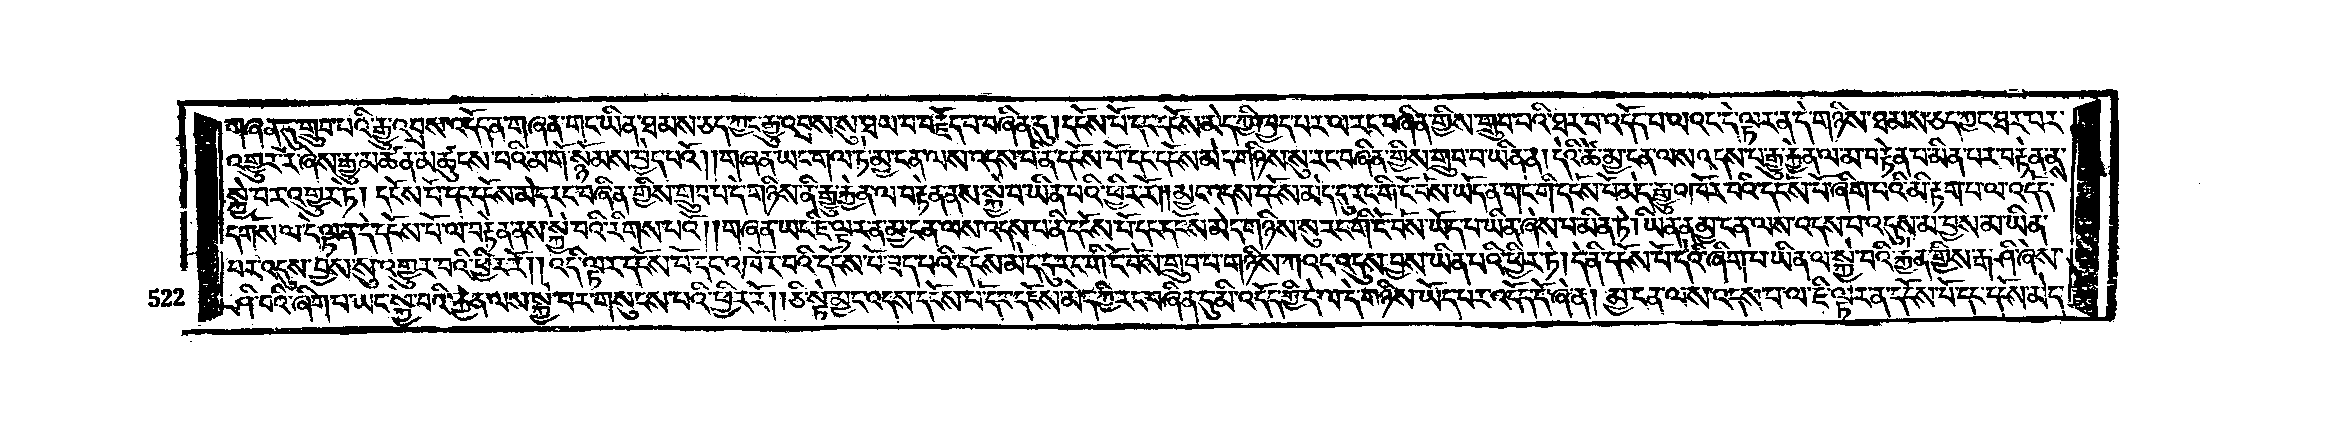གཞན་དུ་གྲུབ་པའི་རྒྱུ་འབྲས་འདོད་ན་གཞན་གང་ཡིན་ཐམས་ཅད་ཀྱང་རྒྱུ་འབྲས་སུ་ཐལ་བ་བརྗོད་པ་བཞིན་དུ། དངོས་པོ་དང་དངོས་མེད་ཀྱི་ཁྱད་པར་ལ་རང་བཞིན་གྱིས་གྲུབ་པའི་ཐར་པ་འདོད་པ་ལའང་དེ་ལྟར་ན་དེ་གཉིས་ཐམས་ཅད་ཀྱང་ཐར་པར་
འགྱུར་རོ་ཞེས་རྒྱུ་མཚན་མ་ཆུངས་པའི་མ་ཀོ་སྙོམས་བྱེད་པའོ། །གཞན་ཡང་གལ་ཏེ་མྱ་ངན་ལས་འདས་པ་ནི་དངོས་པོ་དང་དངོས་མེད་གཉིས་སུ་རང་བཞིན་གྱིས་གྲུབ་པ་ཡིན་ན། དེའི་ཚེ་མྱ་ངན་ལས་འདས་པ་རྒྱུ་རྐྱེན་ལ་མ་བརྟེན་པ་མིན་པར་བརྟེན་ནས་
སྐྱེ་བར་འགྱུར་ཏེ། དངོས་པོ་དང་དངོས་མེད་རང་བཞིན་གྱིས་གྲུབ་པ་དེ་གཉིས་ནི་རྒྱུ་རྐྱེན་ལ་བརྟེན་ནས་སྐྱེ་བ་ཡིན་པའི་ཕྱིར་རོ། །མྱང་འདས་དངོས་མེད་དུ་རང་གི་ངོ་བོས་ཡོད་ན་གང་གི་དངོས་པོ་མེད་རྒྱུ་འཁོར་བའི་དངོས་པོ་ཞིག་པའི་མི་རྟག་པ་ལ་འདོད་
དགོས་ལ་དེ་ལྟ་ན་དེ་དངོས་པོ་ལ་བརྟེན་ནས་སྐྱེ་བའི་རིགས་པའོ། །གཞན་ཡང་ཇི་ལྟར་ན་མྱ་ངན་ལས་འདས་པ་ནི་དངོས་པོ་དང་དངོས་མེད་གཉིས་སུ་རང་གི་ངོ་བོས་ཡོད་པ་ཡིན་ཞེས་པ་མིན་ཏེ། ཡིན་ན་མྱ་ངན་ལས་འདས་པ་འདུས་མ་བྱས་མ་ཡིན་
པར་འདུས་བྱས་སུ་འགྱུར་བའི་ཕྱིར་རོ། །འདི་ལྟར་དངོས་པོ་དང་འཁོར་བའི་དངོས་པོ་ཟད་པའི་དངོས་མེད་དུ་རང་གི་ངོ་བོས་གྲུབ་པ་གཉིས་ཀའང་འདུས་བྱས་ཡིན་པའི་ཕྱིར་ཏེ། དེ་ནི་དངོས་སོ་དེའི་ཞིག་པ་ཡིན་ལ་སྐྱེ་བའི་རྐྱེན་གྱིས་རྒ་ཤི་ཞེས་
ཤི་བའི་ཞིག་པ་ཡང་སྐྱེ་བའི་རྐྱེན་ལས་སྐྱེ་བར་གསུངས་པའི་ཕྱིར་རོ། །ཅི་སྟེ་མྱང་འདས་དངོས་པོ་དང་དངོས་མེད་ཀྱི་རག་བཞིན་དུ་མི་འདོད་ཀྱི་དེ་ལ་དེ་གཉིས་ཡོད་པར་འདོད་དོ་ཞེ་ན། མྱ་ངན་ལས་འདས་པ་ལ་ཇི་ལྟར་ན་དངོས་པོ་དང་དངོས་མེད་